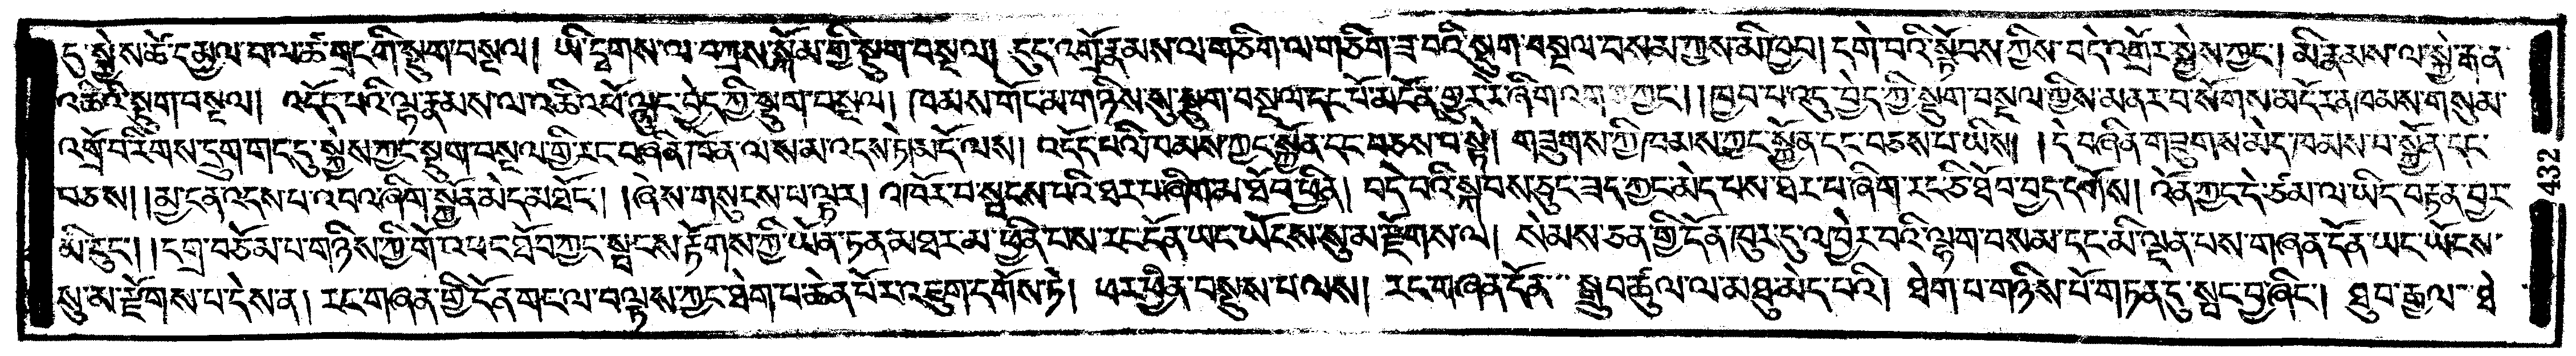དུ་སྐྱེས་ཚེ་དམྱལ་བ་ལ་ཚ་གྲང་གི་སྡུག་བསྔལ། ཡི་དྭགས་ལ་བཀྲས་སྐོམ་གྱི་སྡུག་བསྔལ། དུད་འགྲོ་རྣམས་ལ་གཅིག་ལ་གཅིག་ཟ་བའི་སྡུག་བསྔལ་བསམ་ཀྱས་མི་ཁྱབ། དགེ་བའི་སྟོབས་ཀྱིས་བདེ་འགྲོར་སྐྱེས་ཀྱང་། མི་རྣམས་ལ་སྐྱེ་རྒ་ན་
འཆིའི་སྡུག་བསྔལ། འདོད་པའི་ལྷ་རྣམས་ལ་འཆི་འཕོ་ལྟུང་བྱེད་ཀྱི་སྡུག་བསྔལ། ཁམས་གོང་མ་གཉིས་སུ་སྡུག་བསྔལ་དང་པོ་མངོན་དུ་གྱུར་རེ་ཞིག་འགག་ཀྱང་། །ཁྱབ་པ་འདུ་བྱེད་ཀྱི་སྡུག་བསྔལ་གྱིས་མནར་བ་སོགས་མདོར་ན་ཁམས་གསུམ་
འགྲོ་བ་རིགས་དྲུག་གང་དུ་སྐྱེས་ཀྱང་སྡུག་བསྔལ་གྱི་རང་བཞིན་ཁོ་ན་ལས་མ་འདས་ཏེ། མདོ་ལས། འདོད་པའི་ཁམས་ཀྱང་སྐྱོན་དང་བཅས་པ་སྟེ། གཟུགས་ཀྱི་ཁམས་ཀྱང་སྐྱོན་དང་བཅས་པ་ཡིས། །དེ་བཞིན་གཟུགས་མེད་ཁམས་པ་སྐྱོན་དང་
བཅས། །མྱ་ངན་འདས་པ་འབའ་ཞིག་སྐྱོན་མེད་མཐོང་། །ཞེས་གསུངས་པ་ལྟར། འཁོར་བ་སྤངས་པའི་ཐར་པ་ཞིག་མ་ཐོབ་ཕྱིན། བདེ་བའི་སྐབས་ཅུང་ཟད་ཀྱང་མེད་པས་ཐར་པ་ཞིག་རང་ཅི་ཐོབ་བྱེད་དགོས། འོན་ཀྱང་དེ་ཙམ་ལ་ཡིད་བརྟན་བྱར་
མི་རུང་། །དགྲ་བཅོམ་པ་གཉིས་ཀྱི་གོ་འཕང་ཐོབ་ཀྱང་སྤངས་རྟོགས་ཀྱི་ཡོན་ཏན་མཐར་མ་ཕྱིན་པས་རང་དོན་ཡང་ཡོངས་སུ་མ་རྫོགས་ལ། སེམས་ཅན་གྱི་དོན་ཁུར་དུ་འཁྱེར་བའི་ལྷག་བསམ་དང་མི་ལྡན་པས་གཞན་དོན་ཡང་ཡོངས་
སུ་མ་རྫོགས་པ་དེས་ན། རང་གཞན་གྱི་དོན་གང་ལ་བལྟས་ཀྱང་ཐེག་པ་ཆེན་པོར་འཇུག་དགོས་ཏེ། ཕར་ཕྱིན་བསྡུས་པ་ལས། རང་གཞན་དོན་སྒྲུབ་ཚུལ་ལ་མཐུ་མེད་པའི། ཐེག་པ་གཉིས་པོ་གཏན་དུ་སྤང་བྱ་ཞིང་། ཐུབ་རྒྱལ་ཐེ་